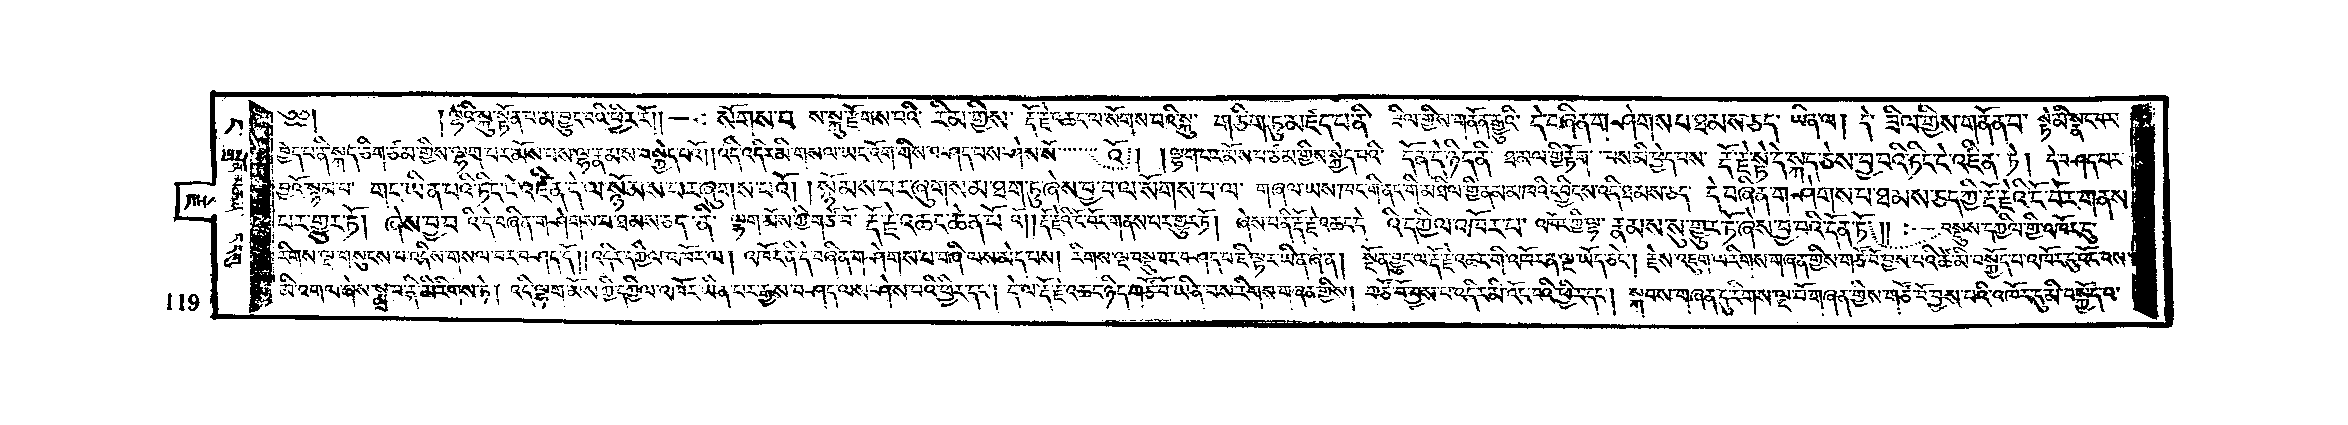༄༅། །ལྷའི་སྐུ་སྟོན་པ་མ་བྱུང་བའི་ཕྱིར་རོ།། སོགས་པ་ས་སྐུ་རྫོགས་པའི་རིམ་གྱིས་རྡོ་རྗེ་འཆང་ལ་སོགས་པའི་སྐུ་གཅིག་ཏུ་མཛད་པ་ནི་ཟིལ་གྱིས་གནོན་རྒྱུའི་དེ་བཞིན་གཤེགས་པ་ཐམས་ཅད་ཡིན་ལ།  དེ་ཟིལ་གྱིས་གནོན་པ་སྟེ་མི་སྣང་བར་
བྱེད་པ་ནི་སྐད་ཅིག་ཙམ་གྱིས་ལྷག་པར་མོས་པས་ལྷ་རྣམས་བསྐྱེད་པའོ། །འདི་འདིར་མི་གསལ་ཡང་འོག་གིས་བཤད་པས་ཤེས་སོ་འོ། །ལྷག་པར་མོས་པ་ཙམ་གྱིས་སྐྱེད་པའི་དོན་དེ་ཉིད་ནི་ཐ་མལ་གྱི་རྟོག་བས་མི་ཕྱེད་པས་རྡོ་རྗེ་སྟེ་དེ་སྐད་ཅེས་བྱ་བའི་ཏིང་ངེ་འཛིན་ཏེ། དེ་བཤད་པར་
བྱའོ་སྙམ་པ་གང་ཡིན་པའི་ཏིང་ངེ་འཛིན་དེ་ལ་སྙོམས་པར་ཞུགས་པའོ། །སྙོམས་པར་ཞུགས་མ་ཐག་ཏུ་ཞེས་བྱ་བ་ལ་སོགས་པ་ལ་གཞལ་ཡས་ཁང་གི་ནང་གི་མཐིལ་གྱི་ནམ་མཁའི་དབྱིངས་འདི་ཐམས་ཅད་དེ་བཞིན་གཤེགས་པ་ཐམས་ཅད་ཀྱི་རྡོ་རྗེའི་ངོ་བོར་གནས་
པར་གྱུར་ཏོ། ཞེས་བྱ་བའི་དེ་བཞིན་གཤེགས་པ་ཐམས་ཅད་ནི་ལྷག་མོས་ཀྱི་གཙོ་བོ་རྡོ་རྗེ་འཆང་ཆེན་པོའོ། །རྡོ་རྗེའི་ངོ་བོར་གནས་པར་གྱུར་ཏོ། ཞེས་པ་ནི་རྡོ་རྗེ་འཆང་དེའི་དཀྱིལ་འཁོར་པ་འཁོར་གྱི་ལྷ་རྣམས་སུ་གྱུར་ཏོ་ཞེས་བྱ་བའི་དོན་ཏོ།། བསྡུས་དཀྱིལ་གྱི་འཁོར་དུ་
རིགས་ལྔ་གསུངས་པ་འདིས་གསལ་བར་བཤད་དོ། །འདིར་དཀྱིལ་འཁོར་ལ། འཁོར་ནི་དེ་བཞིན་གཤེགས་པ་བཞི་ལས་མེད་པས། རིགས་ལྔ་བསྡུ་བར་བཤད་པ་ཇི་ལྟར་ཡིན་ཞེ་ན། སྔོན་བྱུང་ལ་རྡོ་རྗེ་འཆང་གི་འཁོར་ན་ལྔ་ཡོད་ཅིང་། རྗེས་འཇུག་ལ་རིགས་གཞན་གྱིས་གཙོ་བོ་བྱས་པའི་ཚེ་མི་བསྐྱོད་པ་འཁོར་དུ་འོང་བས་
མི་འགལ་ཞེས་སྨྲ་བ་ནི་མི་རིགས་ཏེ། འདི་ལྷག་མོས་ཀྱི་དཀྱིལ་འཁོར་ཡིན་པར་རྒྱས་བཤད་ལས་ཤེས་པའི་ཕྱིར་དང་། དེ་ལ་རྡོ་རྗེ་འཆང་ཉིད་གཙོ་བོ་ཡིན་བས་རིགས་གཞན་གྱིས། གཙོ་བོ་བྱས་པ་འདིར་མི་འོང་བའི་ཕྱིར་དང་། སྐབས་གཞན་དུ་རིགས་ལྔ་པོ་གཞན་གྱིས་གཙོ་བོ་བྱས་པའི་འཁོར་དུ་མི་བསྐྱོད་པ་